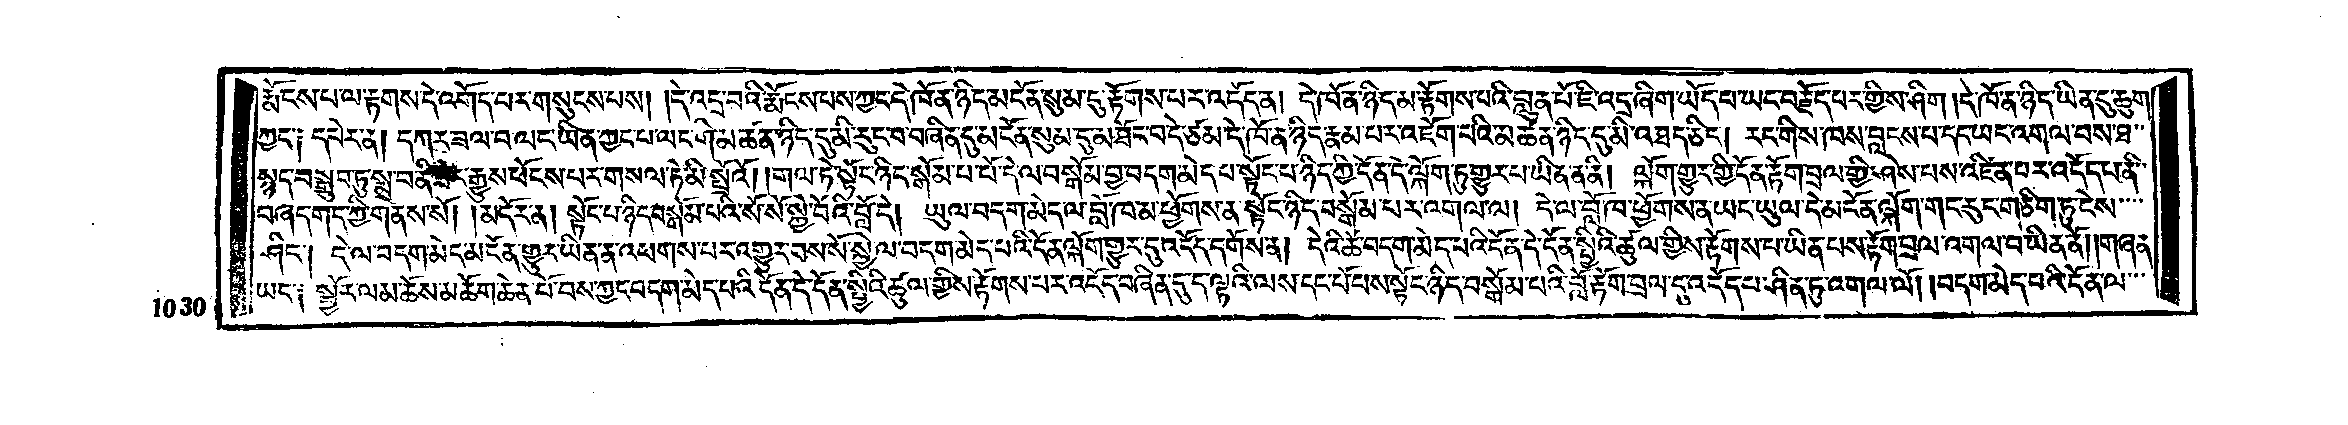རྨོངས་པ་ལ་རྟགས་དེ་འགོད་པར་གསུངས་པས། དེ་འདྲ་བའི་རྨོངས་པས་ཀྱང་དེ་ཁོ་ན་ཉིད་མངོན་སུམ་དུ་རྟོགས་པར་འདོད་ན། དེ་ཁོ་ན་ཉིད་མ་རྟོགས་པའི་བླུན་པོ་ཇི་འདྲ་ཞིག་ཡོད་པ་ཡང་བརྗོད་པར་གྱིས་ཤིག །དེ་ཁོ་ན་ཉིད་ཡིན་དུ་ཆུག་
ཀྱང༑ དཔེར་ན། དཀར་ཟལ་བ་ལང་ཡིན་ཀྱང་བ་ལང་གི་མཚན་ཉིད་དུ་མི་རུང་བ་བཞིན་དུ་མངོན་སུམ་དུ་མཐོང་བ་དེ་ཙམ་དེ་ཁོ་ན་ཉིད་རྣམ་པར་འཇོག་པའི་མཚན་ཉིད་དུ་མི་འཐད་ཅིང་། རང་གིས་ཁས་བླངས་པ་དང་ཡང་འགལ་བས་ཐ་
སྙད་བསྒྲུབ་ཏུ་སྨྲ་བ་ནི་ཟེར་རྒྱུས་ཕོངས་པར་གསལ་ཏེ་མི་སྤྲོའོ། །གལ་ཏེ་སྟོང་ཉིད་སྒོམ་པ་པོ་དེ་ལ་བསྒོམ་བྱ་བདག་མེད་པ་སྟོང་པ་ཉིད་ཀྱི་དོན་དེ་ལྐོག་ཏུ་གྱུར་པ་ཡིན་ན་ནི། ལྐོག་གྱུར་གྱི་དོན་རྟོག་བྲལ་གྱི་ཤེས་པས་འཛིན་པར་འདོད་པ་ནི་
བཞད་གད་ཀྱི་གནས་སོ། །མདོར་ན། སྟོང་པ་ཉིད་བསྒོམ་པའི་སོ་སོ་སྐྱེ་བོའི་བློ་དེ། ཡུལ་བདག་མེད་ལ་བློ་ཁ་མ་ཕྱོགས་ན་སྟོང་ཉིད་བསྒོམ་པར་འགལ་ལ། དེ་ལ་བློ་ཁ་ཕྱོགས་ན་ཡང་ཡུལ་དེ་མངོན་ལྐོག་གང་རུང་གཅིག་ཏུ་ངེས་
ཤིང༑ དེ་ལ་བདག་མེད་མངོན་གྱུར་ཡིན་ན་འཕགས་པར་འགྱུར་བས་སོ་སྐྱེ་ལ་བདག་མེད་པའི་དོན་ལྐོག་གྱུར་དུ་འདོད་དགོས་ན། དེའི་ཚེ་བདག་མེད་པའི་དོན་དེ་དོན་སྤྱིའི་ཚུལ་གྱིས་རྟོགས་པ་ཡིན་པས་རྟོག་བྲལ་འགལ་བ་ཡིན་ནོ། །གཞན་
ཡང༑ སྦྱོར་ལམ་ཆོས་མཆོག་ཆེན་པོ་བས་ཀྱང་བདག་མེད་པའི་དོན་དེ་དོན་སྤྱིའི་ཚུལ་གྱིས་རྟོགས་པར་འདོད་བཞིན་དུ་ད་ལྟའི་ལས་དང་པོ་པས་སྟོང་ཉིད་བསྒོམ་པའི་བློ་རྟོག་བྲལ་དུ་འདོད་པ་ཤིན་ཏུ་འགལ་ལོ། །བདག་མེད་པའི་དོན་ལ་